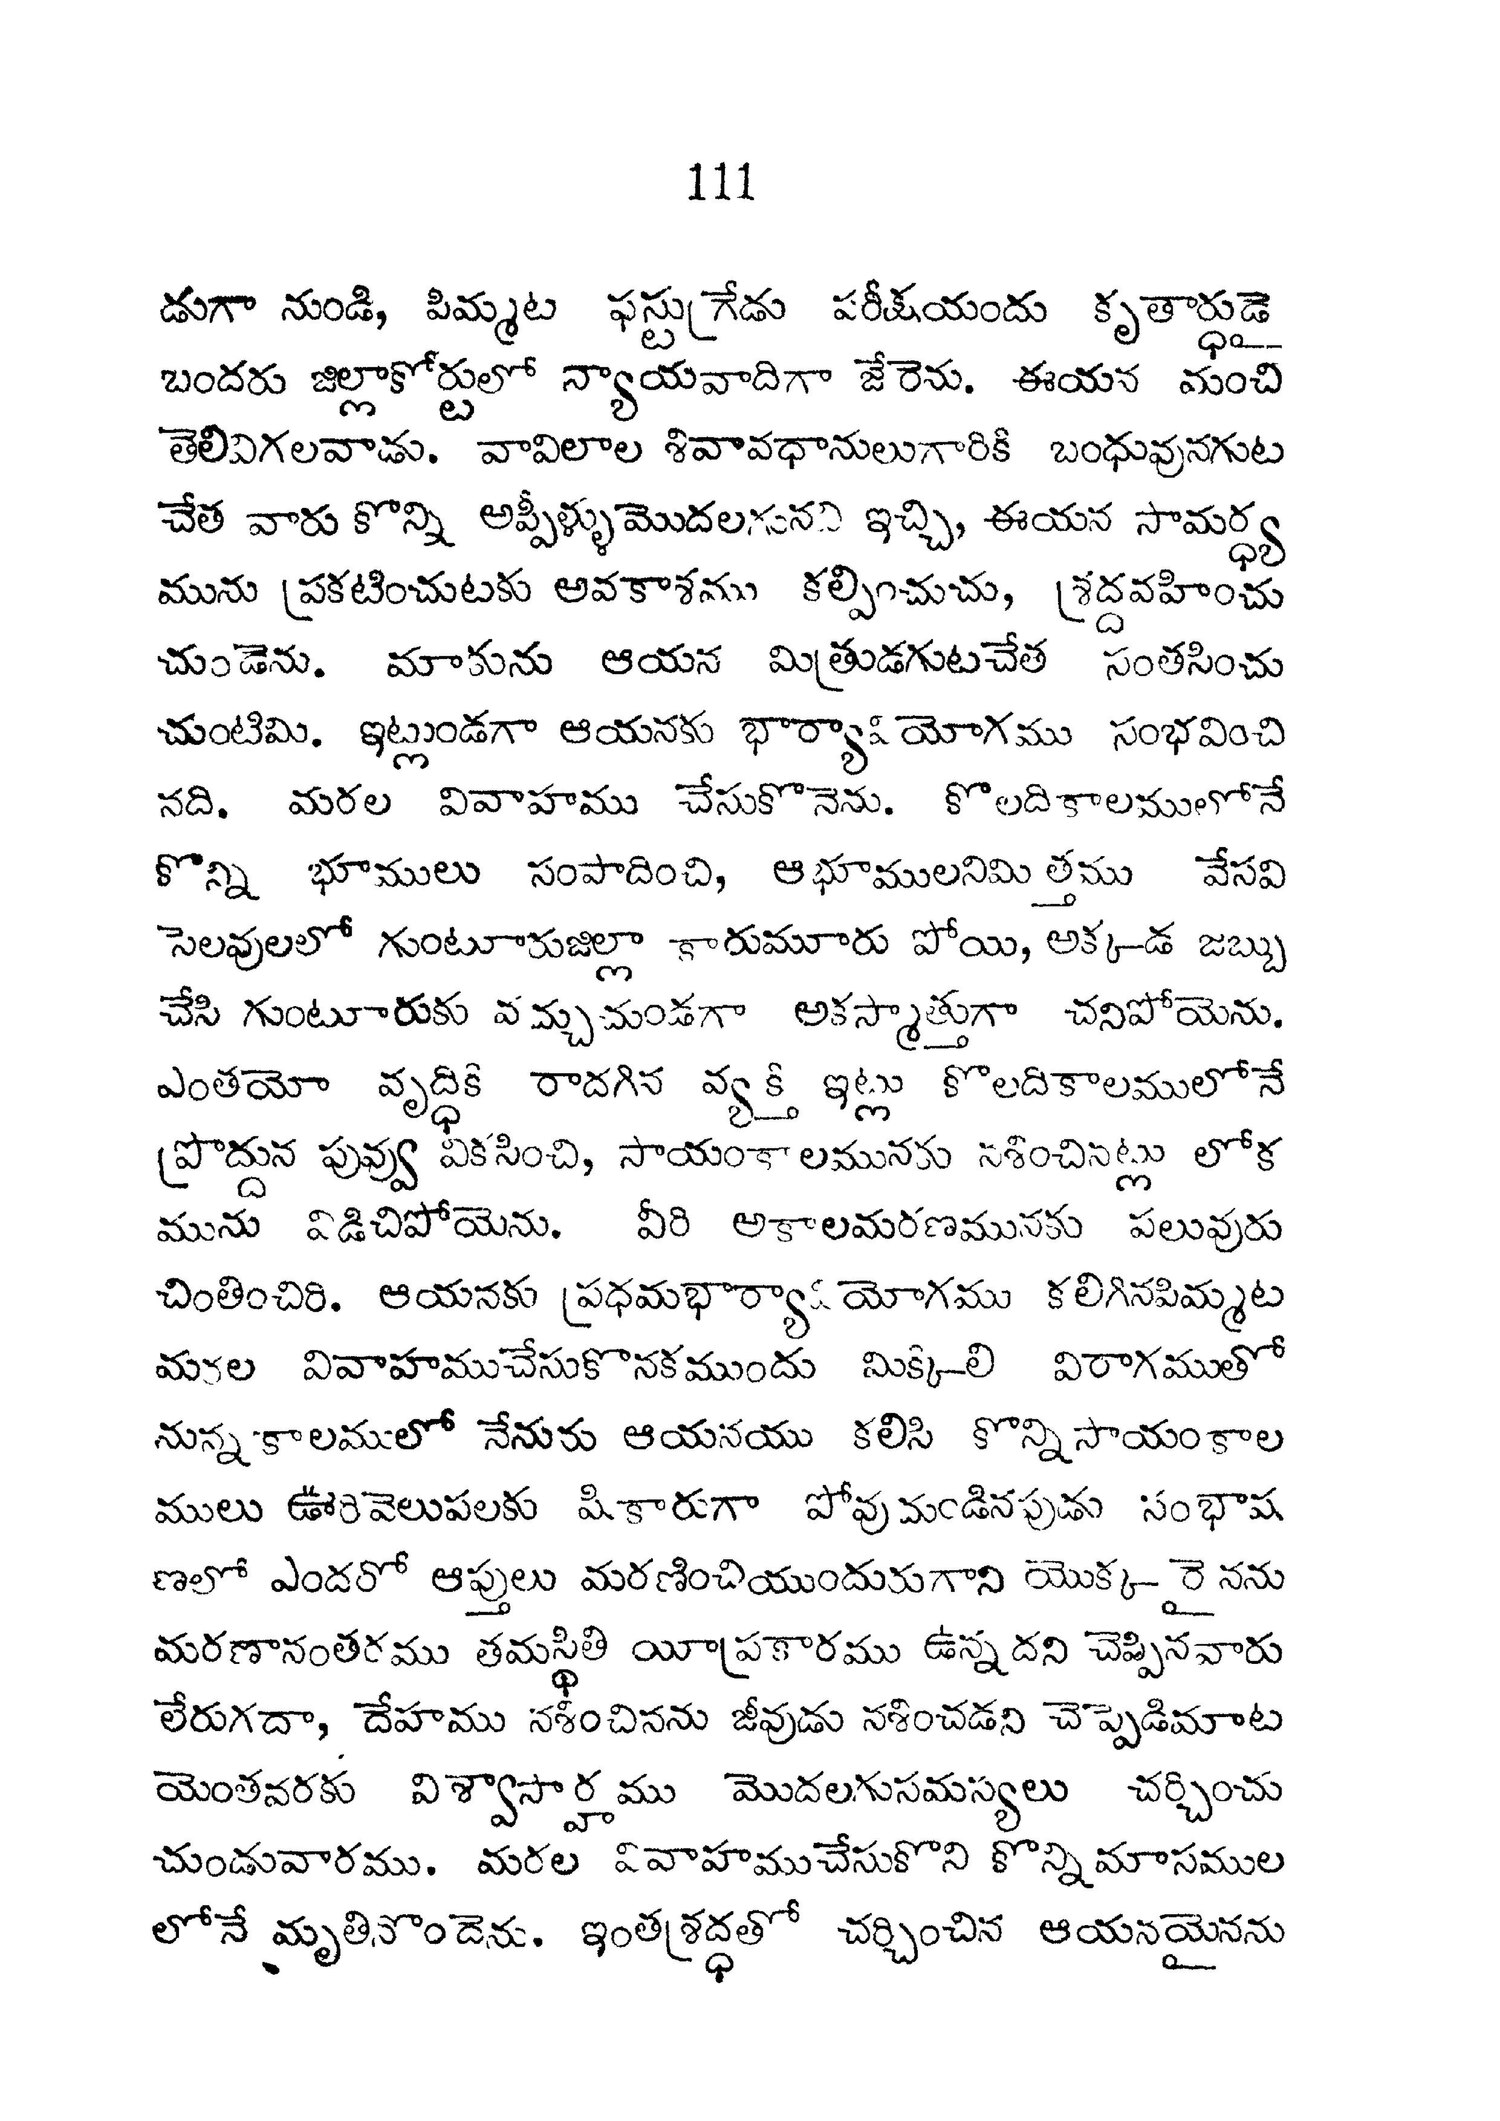డుగా నుండి, పిమ్మట ఫస్టుగ్రేడు పరీక్షయందు కృతార్థుడై బందరు జిల్లాకోర్టులో న్యాయవాదిగా జేరెను. ఈయన మంచి తెలివిగలవాడు. వావిలాల శివావధానులుగారికి బంధువగుటచేత వారుకొన్ని అప్పీళ్ళుమొదలగునవి ఇచ్చి, ఈయన సామర్థ్యమును ప్రకటించుటకు అవకాశము కల్పించుచు, శ్రద్దవహించుచుండెను. మాకును ఆయన మిత్రుడగుటచేత సంతసించుచుంటిమి. ఇట్లుండగా ఆయనకు భార్యవియోగము సంభవించినది. మరల వివాహము చేసుకొనెను. కొలదికాలములోనే కొన్ని భూములు సంపాదించి, ఆభూములనిమిత్తము వేసచిసెలవులలో గుంటూరుజిల్లా కారుమూరు పోయి, అక్కడ జబ్బుచేసి గుంటూరుకు వచ్చుచుండగా అకస్మాత్తుగా చనిపోయెను. ఎంతయో వృద్ధికి రాదగిన వ్యక్తి ఇట్లు కొలదికాలములోనే ప్రొద్దున పువ్వు వికసించి, సాయంకాలమునకు నశించినట్లు లోకమును విడిచిపోయెను. వీరి అకాలమరణమునకు పలువురు చింతించిరి. ఆయనకు ప్రధభార్యా వియోగము కలిగినపిమ్మట మరల వివాహముచేసుకొనకముందు మిక్కిలి విరాగముతో నున్నకాలములో నేనును ఆయనయు కలిసి కొన్నిసాయంకాలములు ఊరివెలుపలకు షికారుగా పోవుచుండినపుడు సంభాషణలో ఎందరో ఆప్తులు మరణించియుందురుగాని యొక్కరైనను మరణానంతరము తమస్థితి యీప్రకారము ఉన్నదని చెప్పినవారు లేరుగదా, దేహము నశించినను జీవుడు నశించడని చెప్పెడిమాట యెంతవరకు విశ్వాసార్హము మొదలగుసమస్యలు చర్చించు చుండువారము. మరల వివాహచేసుకొని కొన్నిమాసములలోనే మృతినొందెను. ఇంతశ్రద్ధతో చర్చించిన ఆయనయైనను